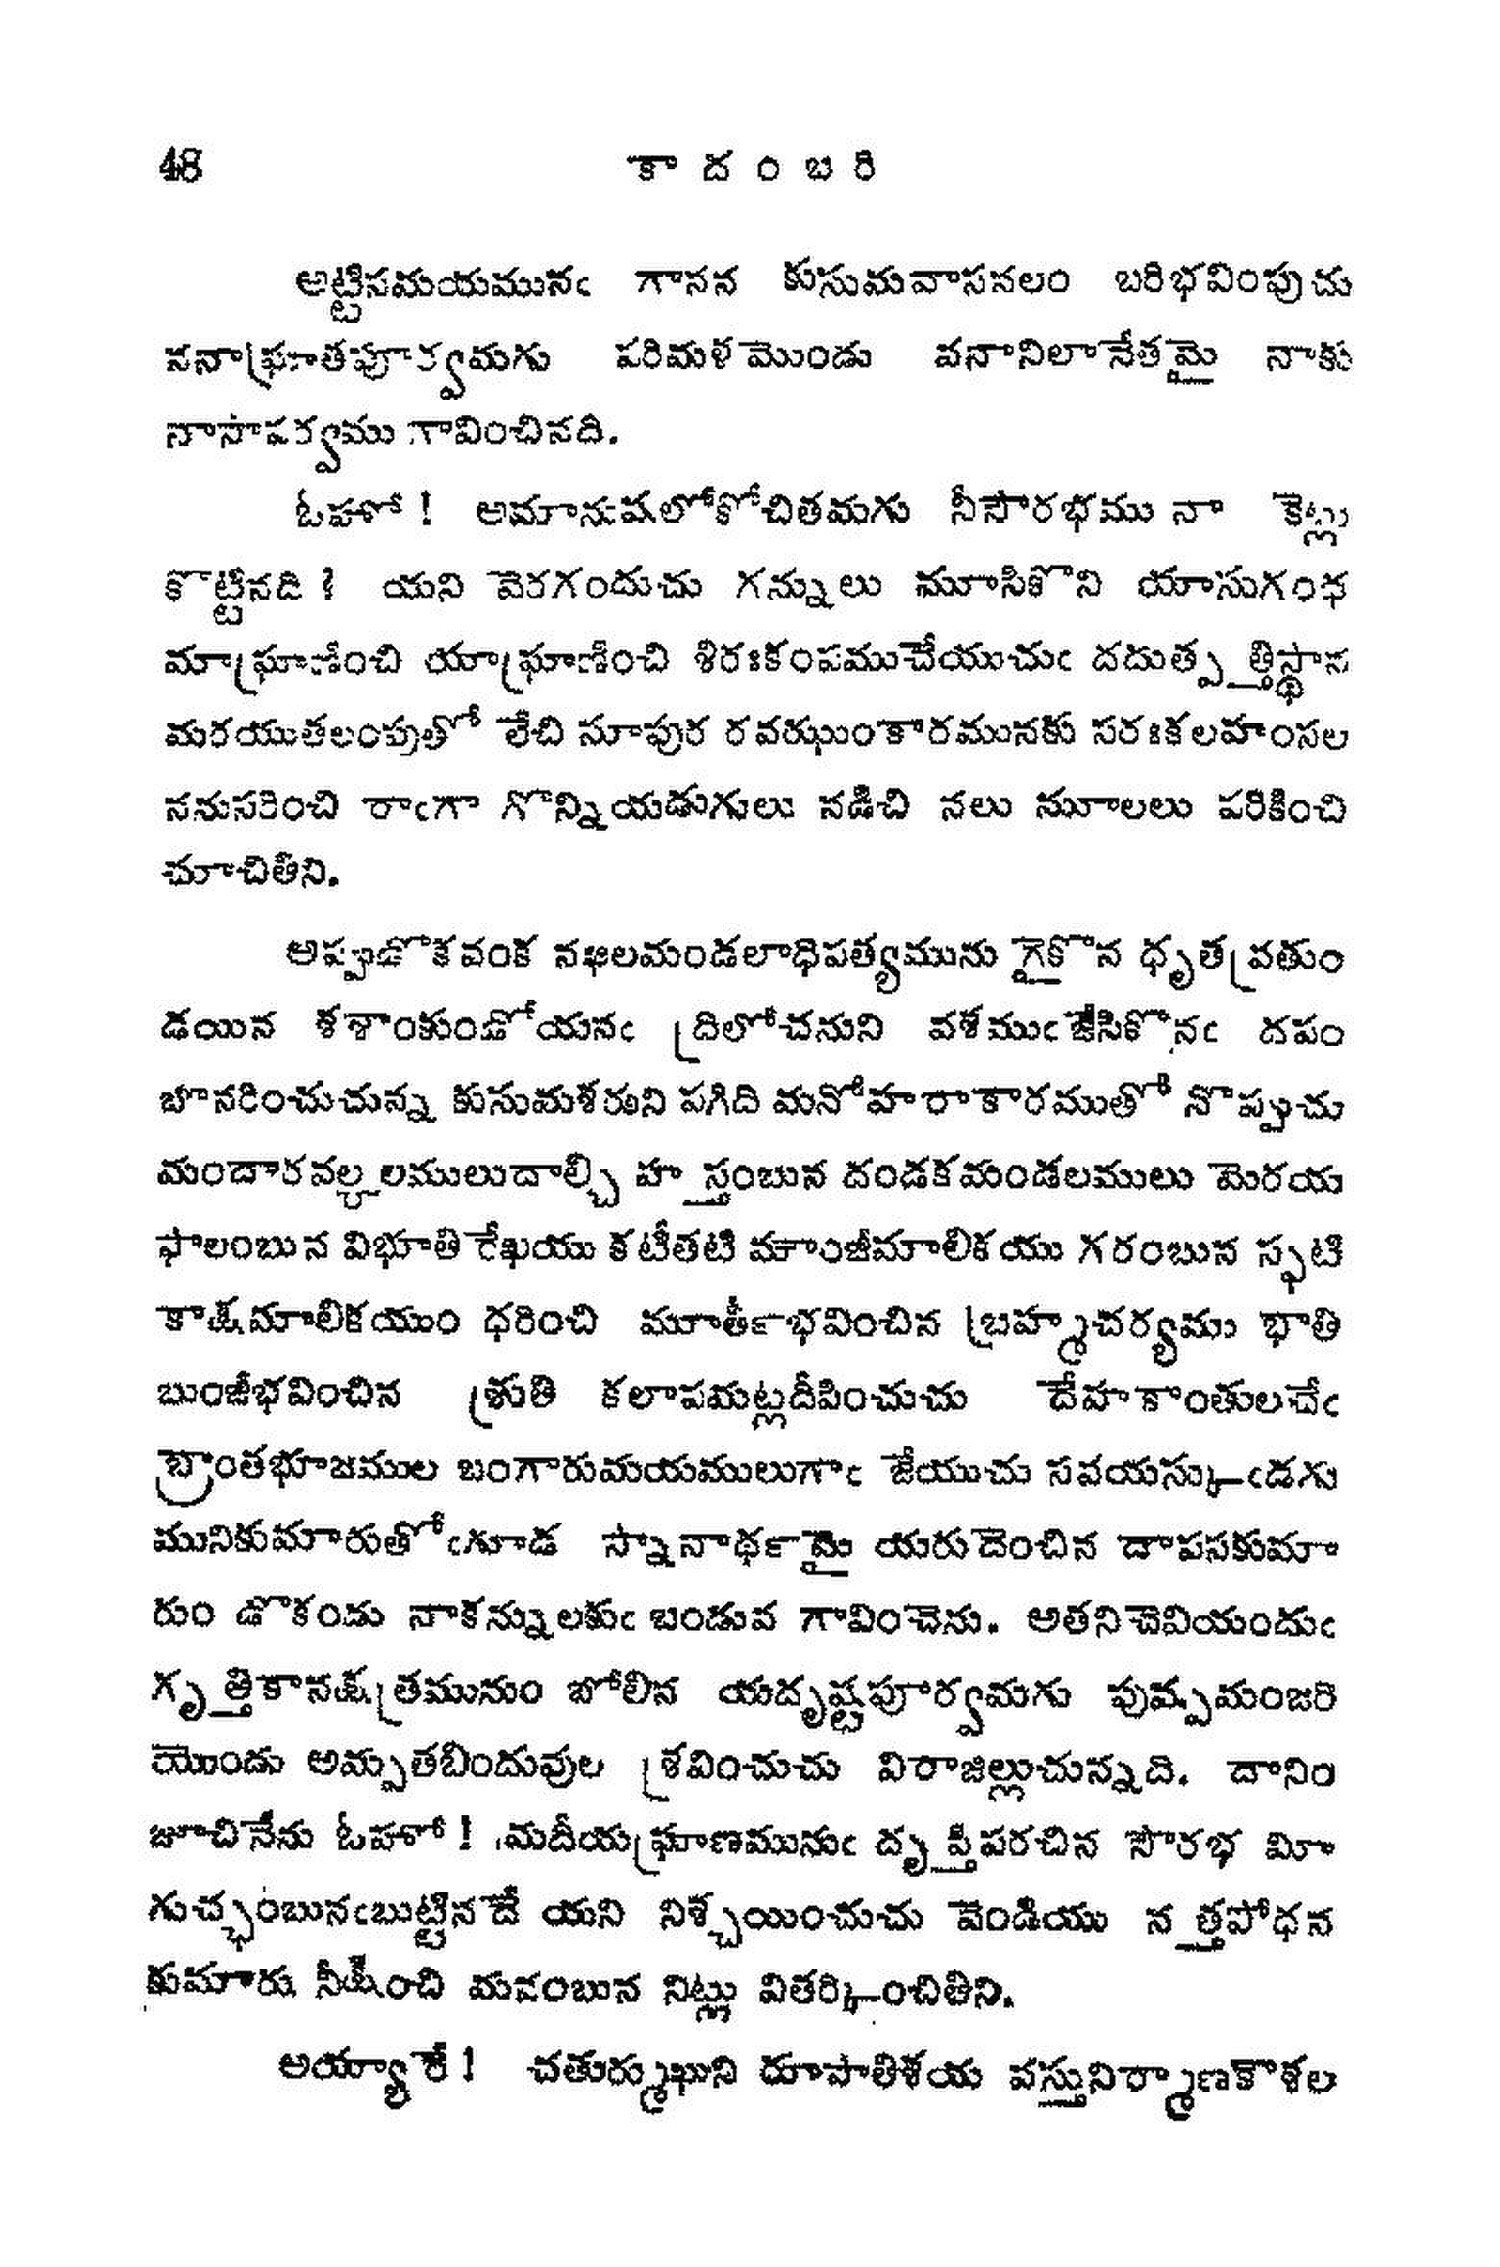అట్టిసమయమునఁ గానన కుసుమవాసనలం బరిభవింపుచు ననాఘ్రాతపూర్వమగు పరిమళమొండు వనానిలానేతమై నాకు నాసాపర్వము గావించినది.

ఓహో! అమానుషలోకోచితమగు నీసౌరభము నా కెట్లు కొట్టినది? యని వెరగందచు గన్నులు మూసికొని యాసుగంధ మాఘ్రాణించి యాఘ్రాణించి శిరఃకంపముచేయుచుఁ దదుత్పత్తిస్థాన మరయుతలంపుతో లేచి నూపుర రవఝుంకారమునకు నరఃకలహంసల ననుసరించి రాఁగా గొన్నియడుగులు నడిచి నలు మూలలు పరికించి చూచితిని.

అప్పుడొకవంక నఖిలమండలాధిపత్యమును గైకొన ధృతవ్రతుండయిన శశాంకుండోయనఁ ద్రిలోచనుని వశముఁజేసికొనఁ దపం బొనరించుచున్న కుసుమశరుని పగిది మనోహరాకారముతో నొప్పుచు మందారవల్కలములుదాల్చి హస్తంబున దండకమండలములు మెరయ ఫాలంబున విభూతిరేఖయు కటీతటి మౌంజీమాలికయు గరంబున స్ఫటికాక్షమాలికయుం ధరించి మూతీ౯భవించిన బ్రహ్మచర్యము భాతి బుంజీభవించిన శ్రుతి కలాపమట్లదీపించుచు దేహ కాంతులచేఁ బ్రాంతభూజముల బంగారుమయములుగాఁ జేయుచు సవయస్కుఁడగు మునికుమారుతోఁగూడ స్నానాథ౯మై యరుదెంచిన దాపసకుమారుం డొకండు నాకన్నులకుఁ బండువ గావించెను. అతనిచెవియందుఁ గృత్తికానక్షత్రమునుం బోలిన యదృష్టపూర్వమగు పుష్పమంజరి యొండు అమృతబిందువుల శ్రవించుచు విరాజిల్లుచున్నది. దానిం జూచినేను ఓహో! మదీయఘ్రాణమునుఁ దృప్తిపరచిన సౌరభ మీ గుచ్ఛంబునఁబుట్టినదే యని నిశ్చయించుచు వెండియు నత్తపోధన కుమారు నీక్షించి మనంబున నిట్లు వితర్కించితిని

అయ్యారే! చతుర్ముఖుని రూపాతిశయ వస్తునిర్మాణకౌశల